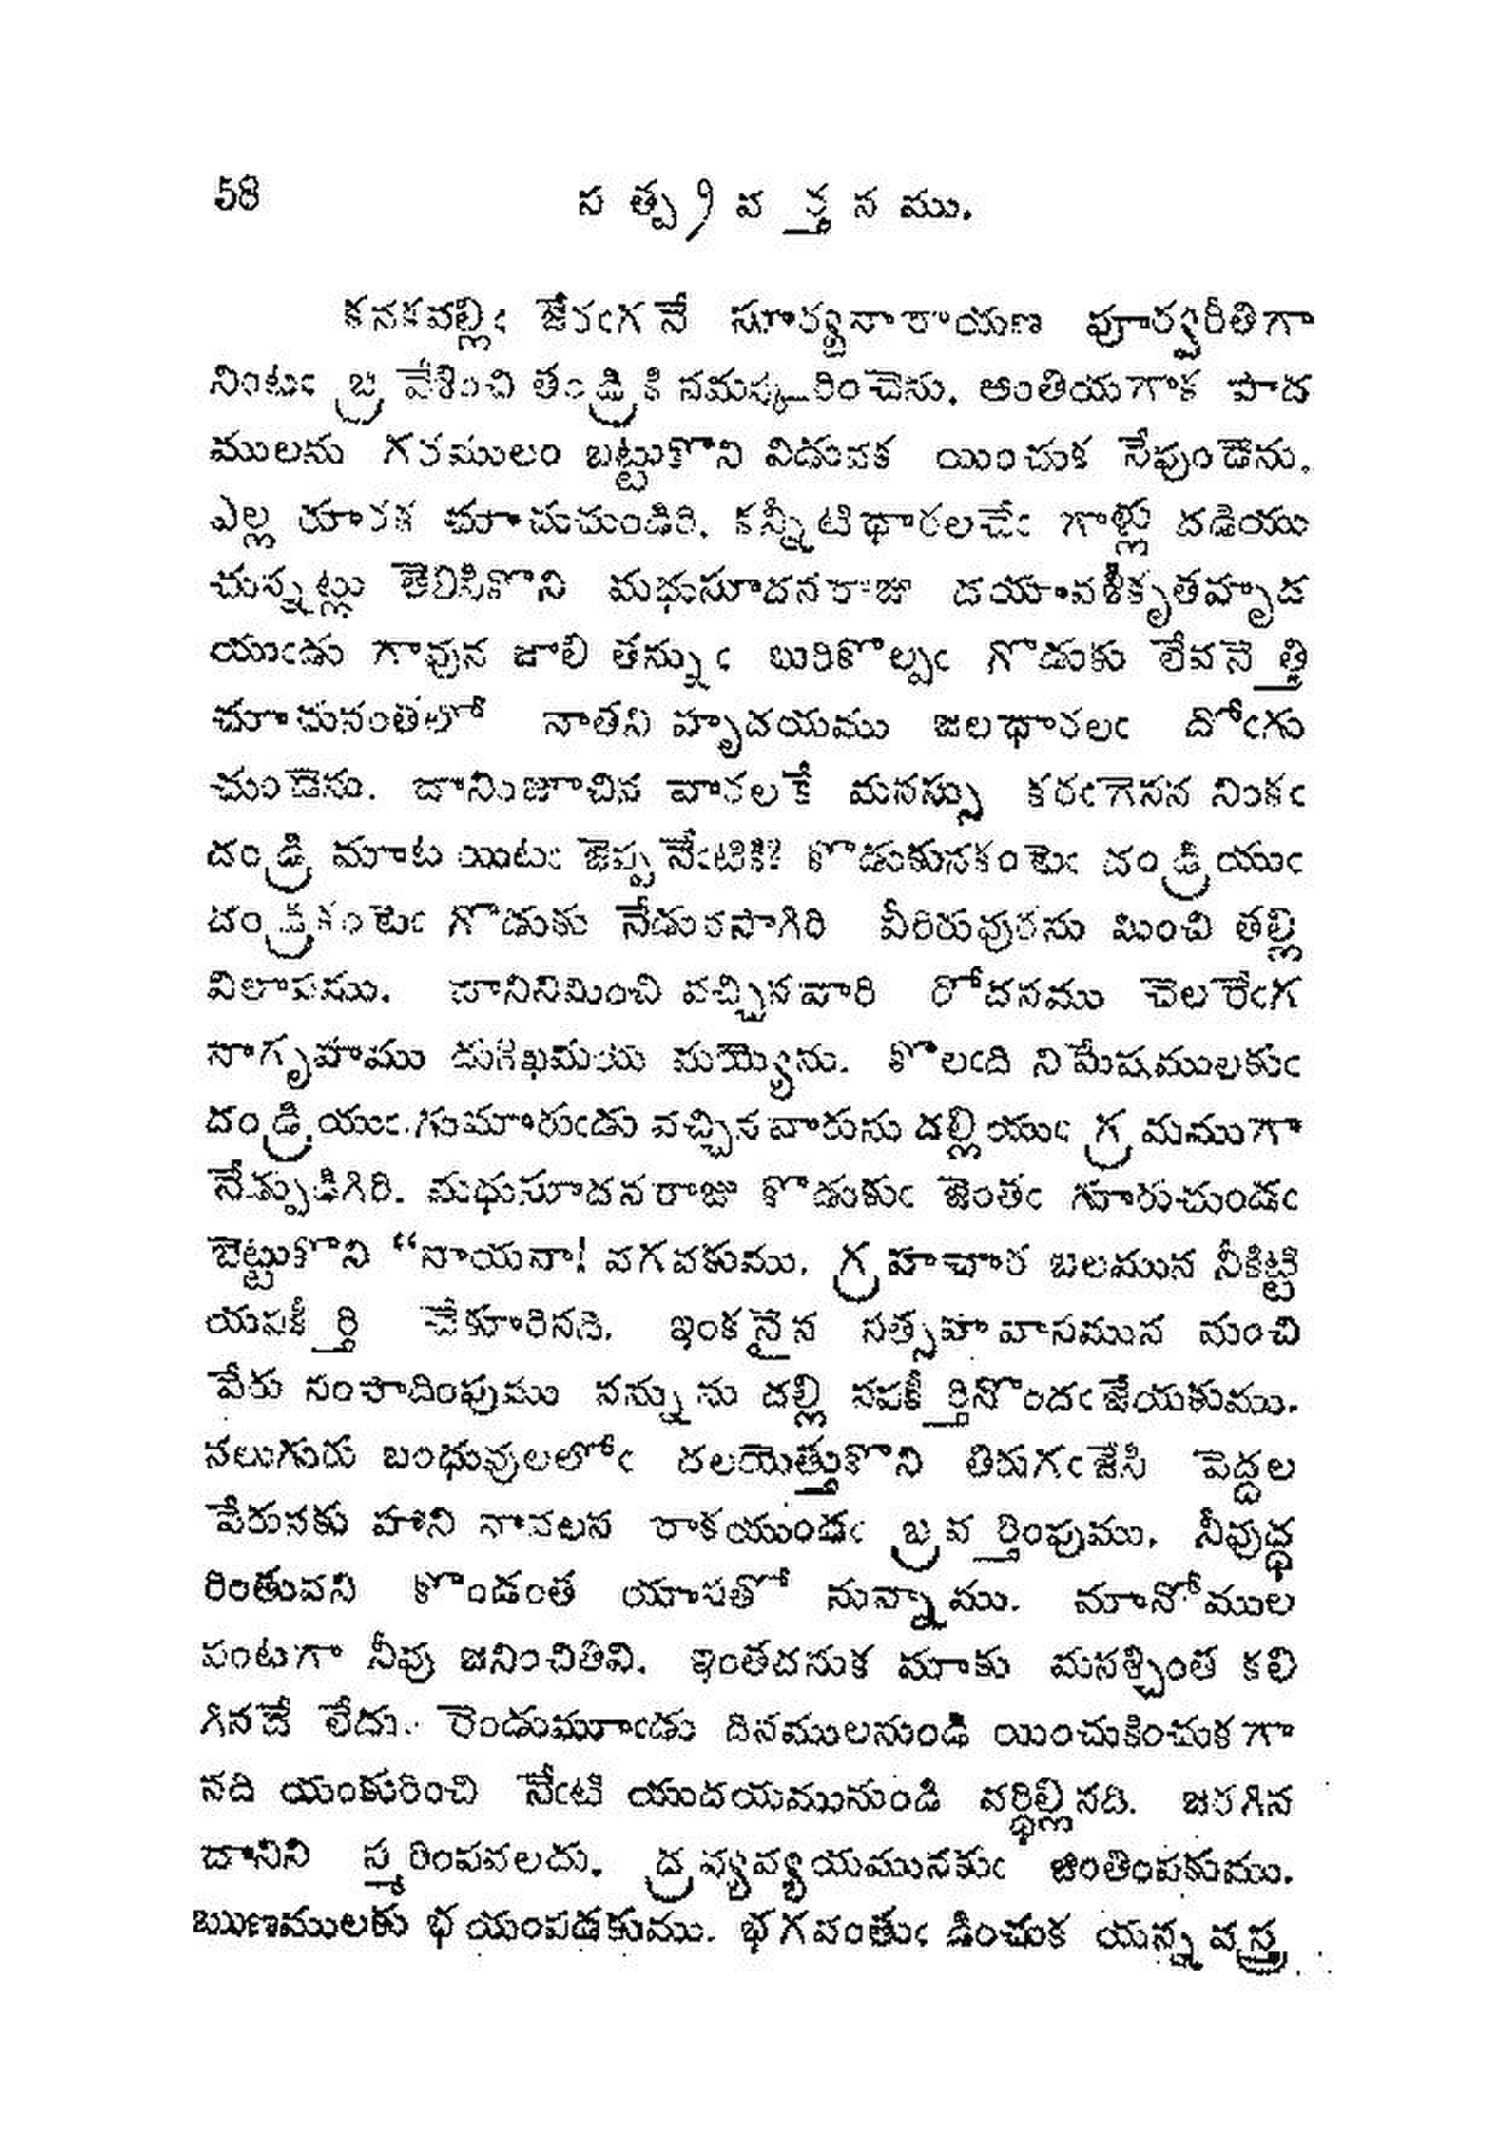కనకవల్లి : జేరఁగనే సూర్యనారాయణ పూర్వరీతిగానింట బ్రవేశించి తండ్రికి నమస్కరించెను. అంతియగాక పొదములను గరములం బట్టుకొని విడువక యించుక సేపుండెను, ఎల్లరూరకన చూచుచుండిరి, కన్నీటి ధారలచే గాళ్లు దడియు చున్నట్లు తెలిసికొని మధుసూదనరాజు దయానశికృతహృదయుఁడు గావున జూలి తన్ను ఁ బురికొల్పం గొడుకు లేవనెత్తి చూచునంతలో నాతని హృదయము జలధారలఁ దోగు చుండెను. దానుజూచిన వారలకే మనస్సు కరగెసన నిక దండ్రి, మూటయిట జెప్ప నేటికి కొడుకునకంటెఁ దండ్రియుఁ దండ్రికంటే గొడుకు నేడువసాగిరి వీరిరువురను మించి తల్లి విలాము. వానీని మించి వచ్చిన వారి రోదనము చెలరేగ నాగృహము దుఃఖమయ మయ్యెను. కొలఁది నిమేషములకుఁ దండ్రియు కుమారుఁడు వచ్చిన వారును దల్లియు గ్రమముగా "నేడ్పుడిగిరి. మధుసూదన రాజు కొడుకుఁ జెంతఁ గూరుచుండఁ బెట్టుకొని “నాయనా! పగవకుము, గ్రహచార బలమున నీకిట్టి యపకీర్తి చేకూరినది. ఇంక నైన సత్సహవాసమున మంచి పేరు సంపాదింపుము నన్నును చల్లి నపకీర్తినొందఁ జేయకుము. నలుగురు బంధువులలోఁ దలయెత్తుకొని తిరుగఁ జేసి 'పెద్దల పేరునకు హాని నావలన రాకయుండంబు వర్తింపుము, నీవుద్దరింతువని కొండంత యాపతో నున్నాము. మానోముల పంటగా నీవు జన్మించితివి. ఇంతదనుక మాకు మసశ్చింత కలిగినదే లేదు. రెండుమూడు దినములనుండి యించుకించుకగా నది యంకురించి నేటి యుదయమునుండి వర్దిల్లీనది. జరగిన దానిని స్మరింపవలదు, ద్రవ్యవ్యయమునకుఁ జింతింపకుము. ఋణములకు భయంపడకుము. భగవంతుఁ డించుక యన్న వస్త్ర .